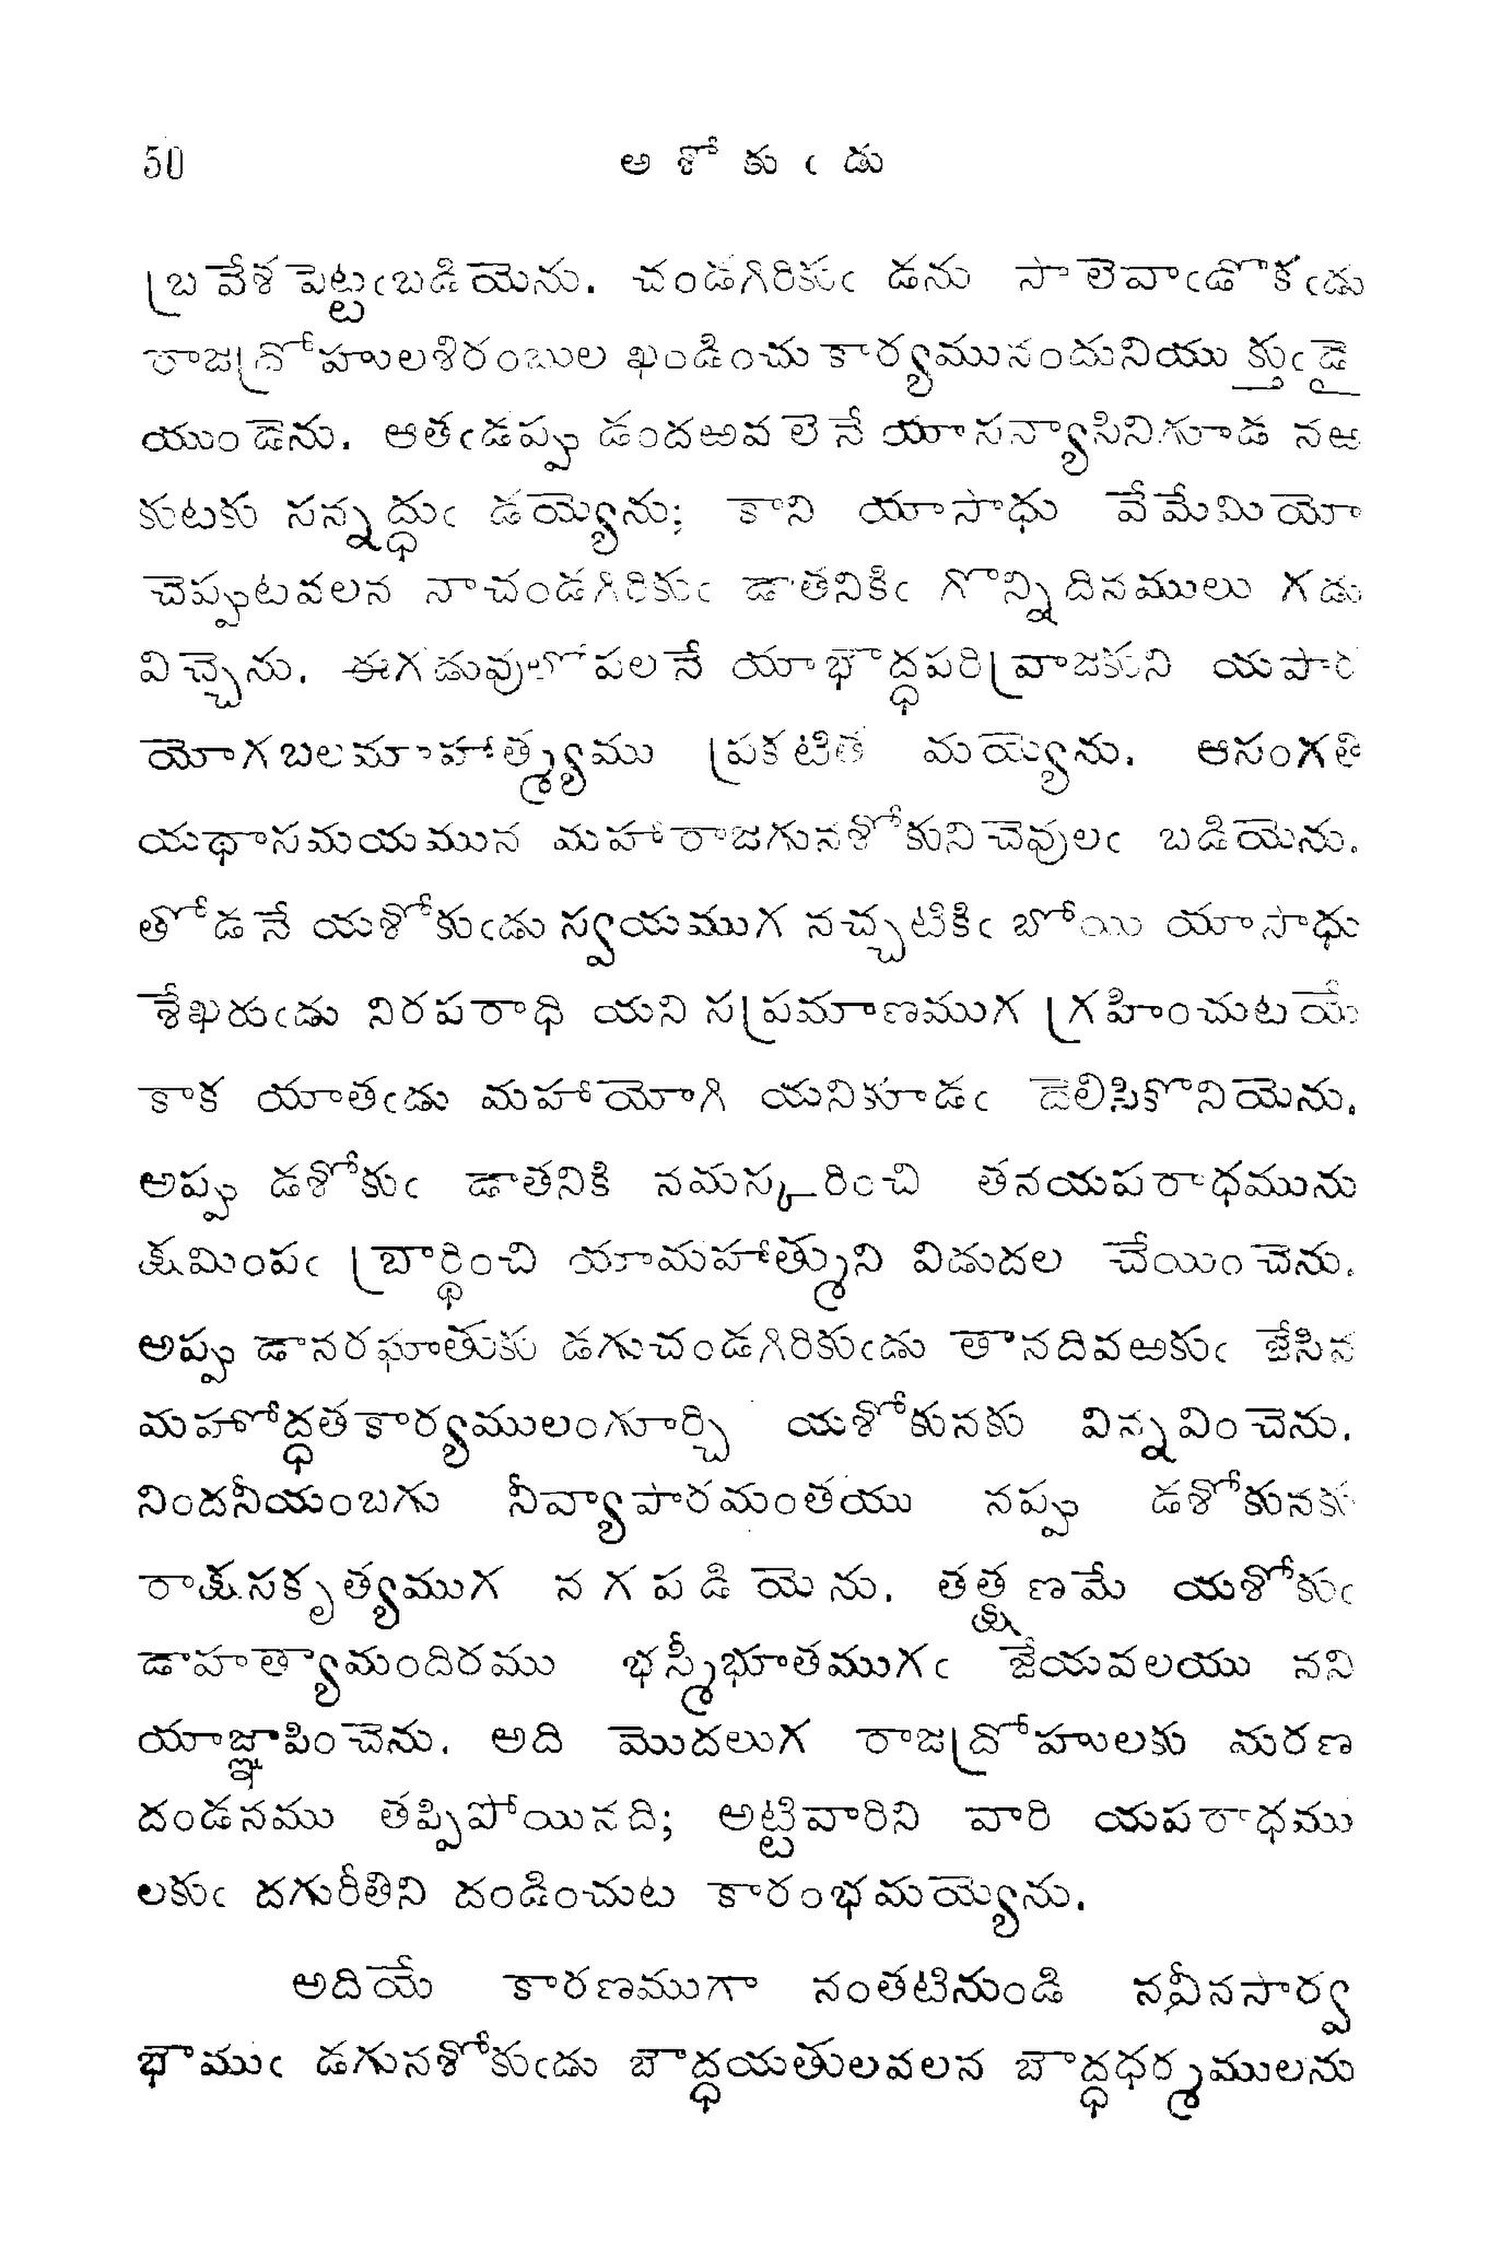బ్రవేశ పెట్టఁబడి యెను. చండగిరికుఁ డను సాలెవాఁడొకఁడు రాజద్రోహులశిరంబుల ఖండించు కార్యము నందునియుక్తుఁడై యుండెను. ఆతఁడప్పుడందఱవలెనే యాసన్యాసిని గూడ నఱకుటకు సన్నద్ధుఁ డయ్యెను: కాని యా సాధు వేమేమి యో చెప్పుటవలన నాచండగిరికుఁ డాతనికిఁ గొన్ని దినములు గడు విచ్చెను. ఈ గడువు లోపలనే యా భౌద్ధపరివ్రాజకు ని యపార యోగ బల మాహాత్మ్యము ప్రకటిత మయ్యెను. ఆసంగతి యథాసమయమున మహా రాజగున శోకుని చెవులఁ బడియెను. తోడ నే యశోకుఁడు స్వయముగ నచ్చటికిఁ బోయి యాసాధు శేఖరుఁడు నిరపరాధి యని సప్రమాణముగ గ్రహించుటయే కాక యాతఁడు మహాయోగి యనికూడఁ దెలిసికొనియెను. అప్పు డశోకుఁ డాతనికి నమస్కరించి తనయపరాధమును
క్షమింపఁ ప్రార్థించి యామహాత్ముని విడుదల చేయించెను, అప్పు డానరఘాతుకు డగుచండగిరికుఁడు తొనదివఱకుఁ జేసిన మహోద్ధత కార్యములం గూర్చి యశోకునకు విన్నవించెను. నిందనీయంబగు నీవ్యాపార మంతయు నప్పు డశోకునకు రాక్షసకృత్యముగ నగ పడి యెను. తత్క్షణమె యశోకుఁడాహత్యామందిరము భస్మీభూతముగఁ జేయవలయు నని
యాజ్ఞాపించెను. అది మొదలుగ రాజద్రోహులకు మరణ దండనము తప్పిపోయినది; అట్టివారిని వారి యప రాధములకుఁ దగురీతిని దండించుట కారంభమయ్యెను.

అదియే కారణముగా నంతటినుండి నవీనసార్వభౌముఁ డగునశోకుఁడు బౌద్ధయతులవలన బౌద్ధధర్మములను